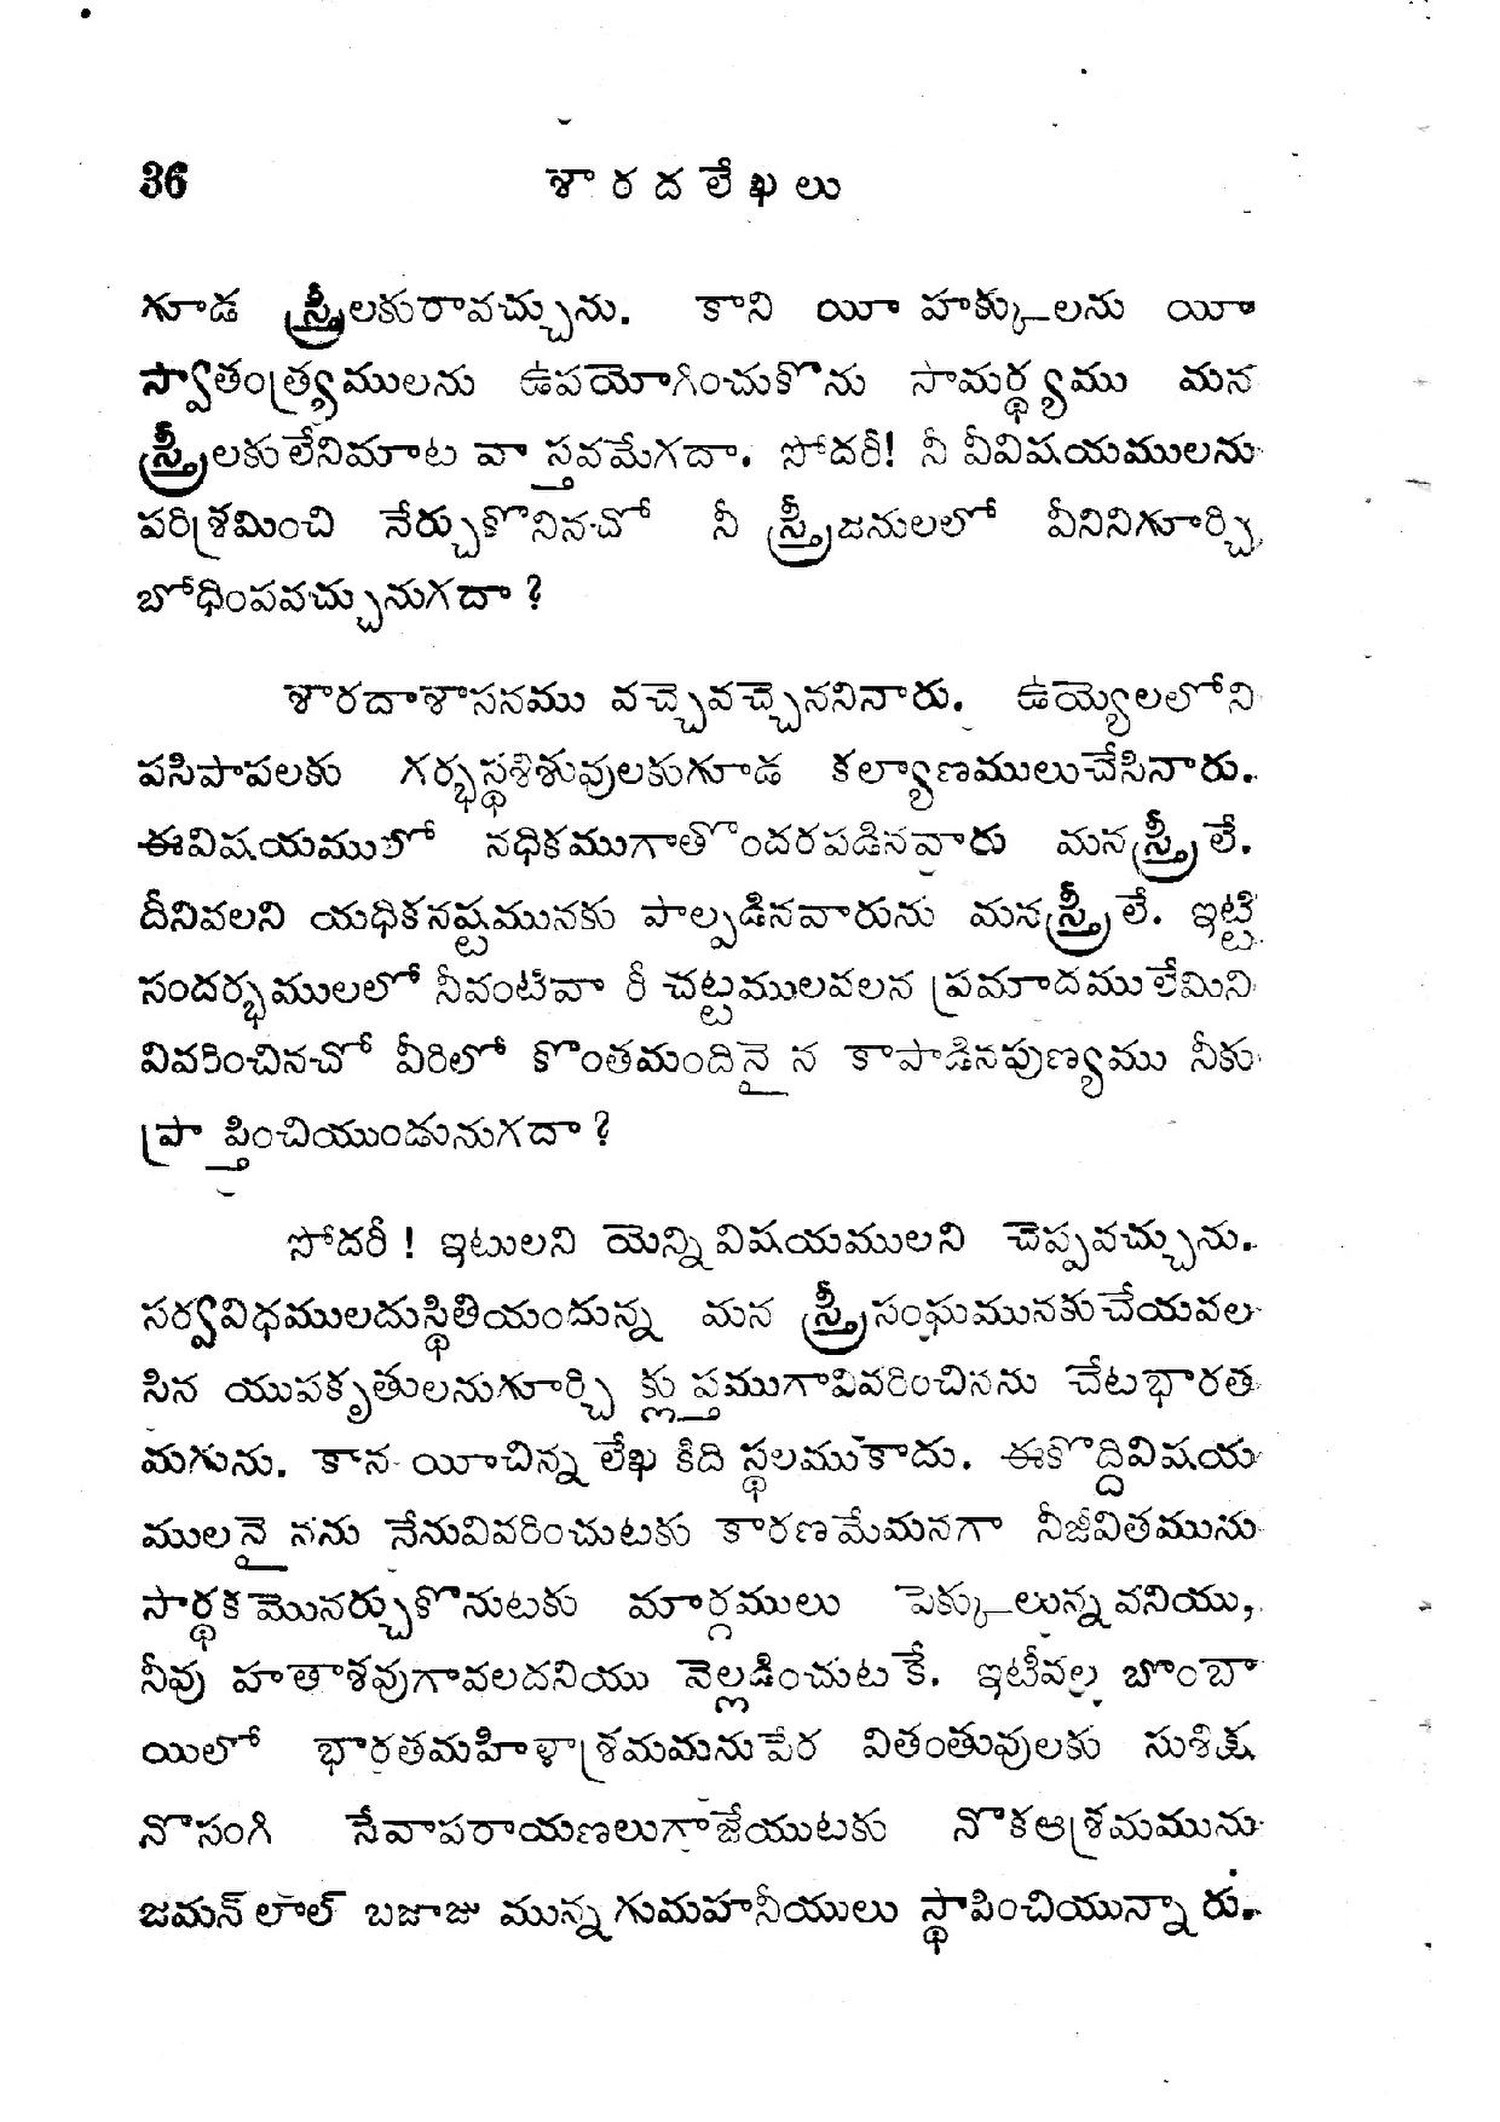గూడ స్త్రీలకురావచ్చును. కాని యీ హక్కులను యీ
స్వాతంత్ర్యములను ఉపయోగించుకొను సామర్థ్యము మన
స్త్రీలకులేనిమాట వాస్తవమేగదా. సోదరీ! నీ వీవిషయములను
పరిశ్రమించి నేర్చుకొనినచో నీ స్త్రీజనులలో వీనినిగూర్చి
బోధింపవచ్చునుగదా?

శారదాశాసనము వచ్చెవచ్చెననినారు. ఉయ్యెలలోని
పసిపాపలకు గర్భస్థశిశువులకుగూడ కల్యాణములుచేసినారు.
ఈవిషయములో నధికముగాతొందరపడినవారు మనస్త్రీలే.
దీనివలని యధికనష్టమునకు పాల్పడినవారును మనస్త్రీలే. ఇట్టి
సందర్భములలో నీవంటివా రీ చట్టములవలన ప్రమాదములేమిని
వివరించినచో వీరిలో కొంతమందినైన కాపాడినపుణ్యము నీకు
ప్రాప్తించియుండునుగదా?

సోదరీ ! ఇటులని యెన్నివిషయములని చెప్పవచ్చును.
సర్వవిధములదుస్థితియందున్న మన స్త్రీసంఘమునకుచేయవల
సిన యుపకృతులనుగూర్చి క్లుప్తముగావివరించినను చేటభారత
మగును. కాన యీచిన్న లేఖ కిది స్థలముకాదు. ఈకొద్దివిషయ
ములనైనను నేనువివరించుటకు కారణమేమనగా నీజీవితమును
సార్థకమొనర్చుకొనుటకు మార్గములు పెక్కులున్నవనియు,
నీవు హతాశవుగావలదనియు వెల్లడించుటకే. ఇటీవల బొంబా
యిలో భారతమహిళాశ్రమమనుపేర వితంతువులకు సుశిక్ష
నొసంగి సేవాపరాయణలుగాజేయుటకు నొకఆశ్రమమును
జమన్‌లాల్ బజాజు మున్నగుమహనీయులు స్థాపించియున్నారు.